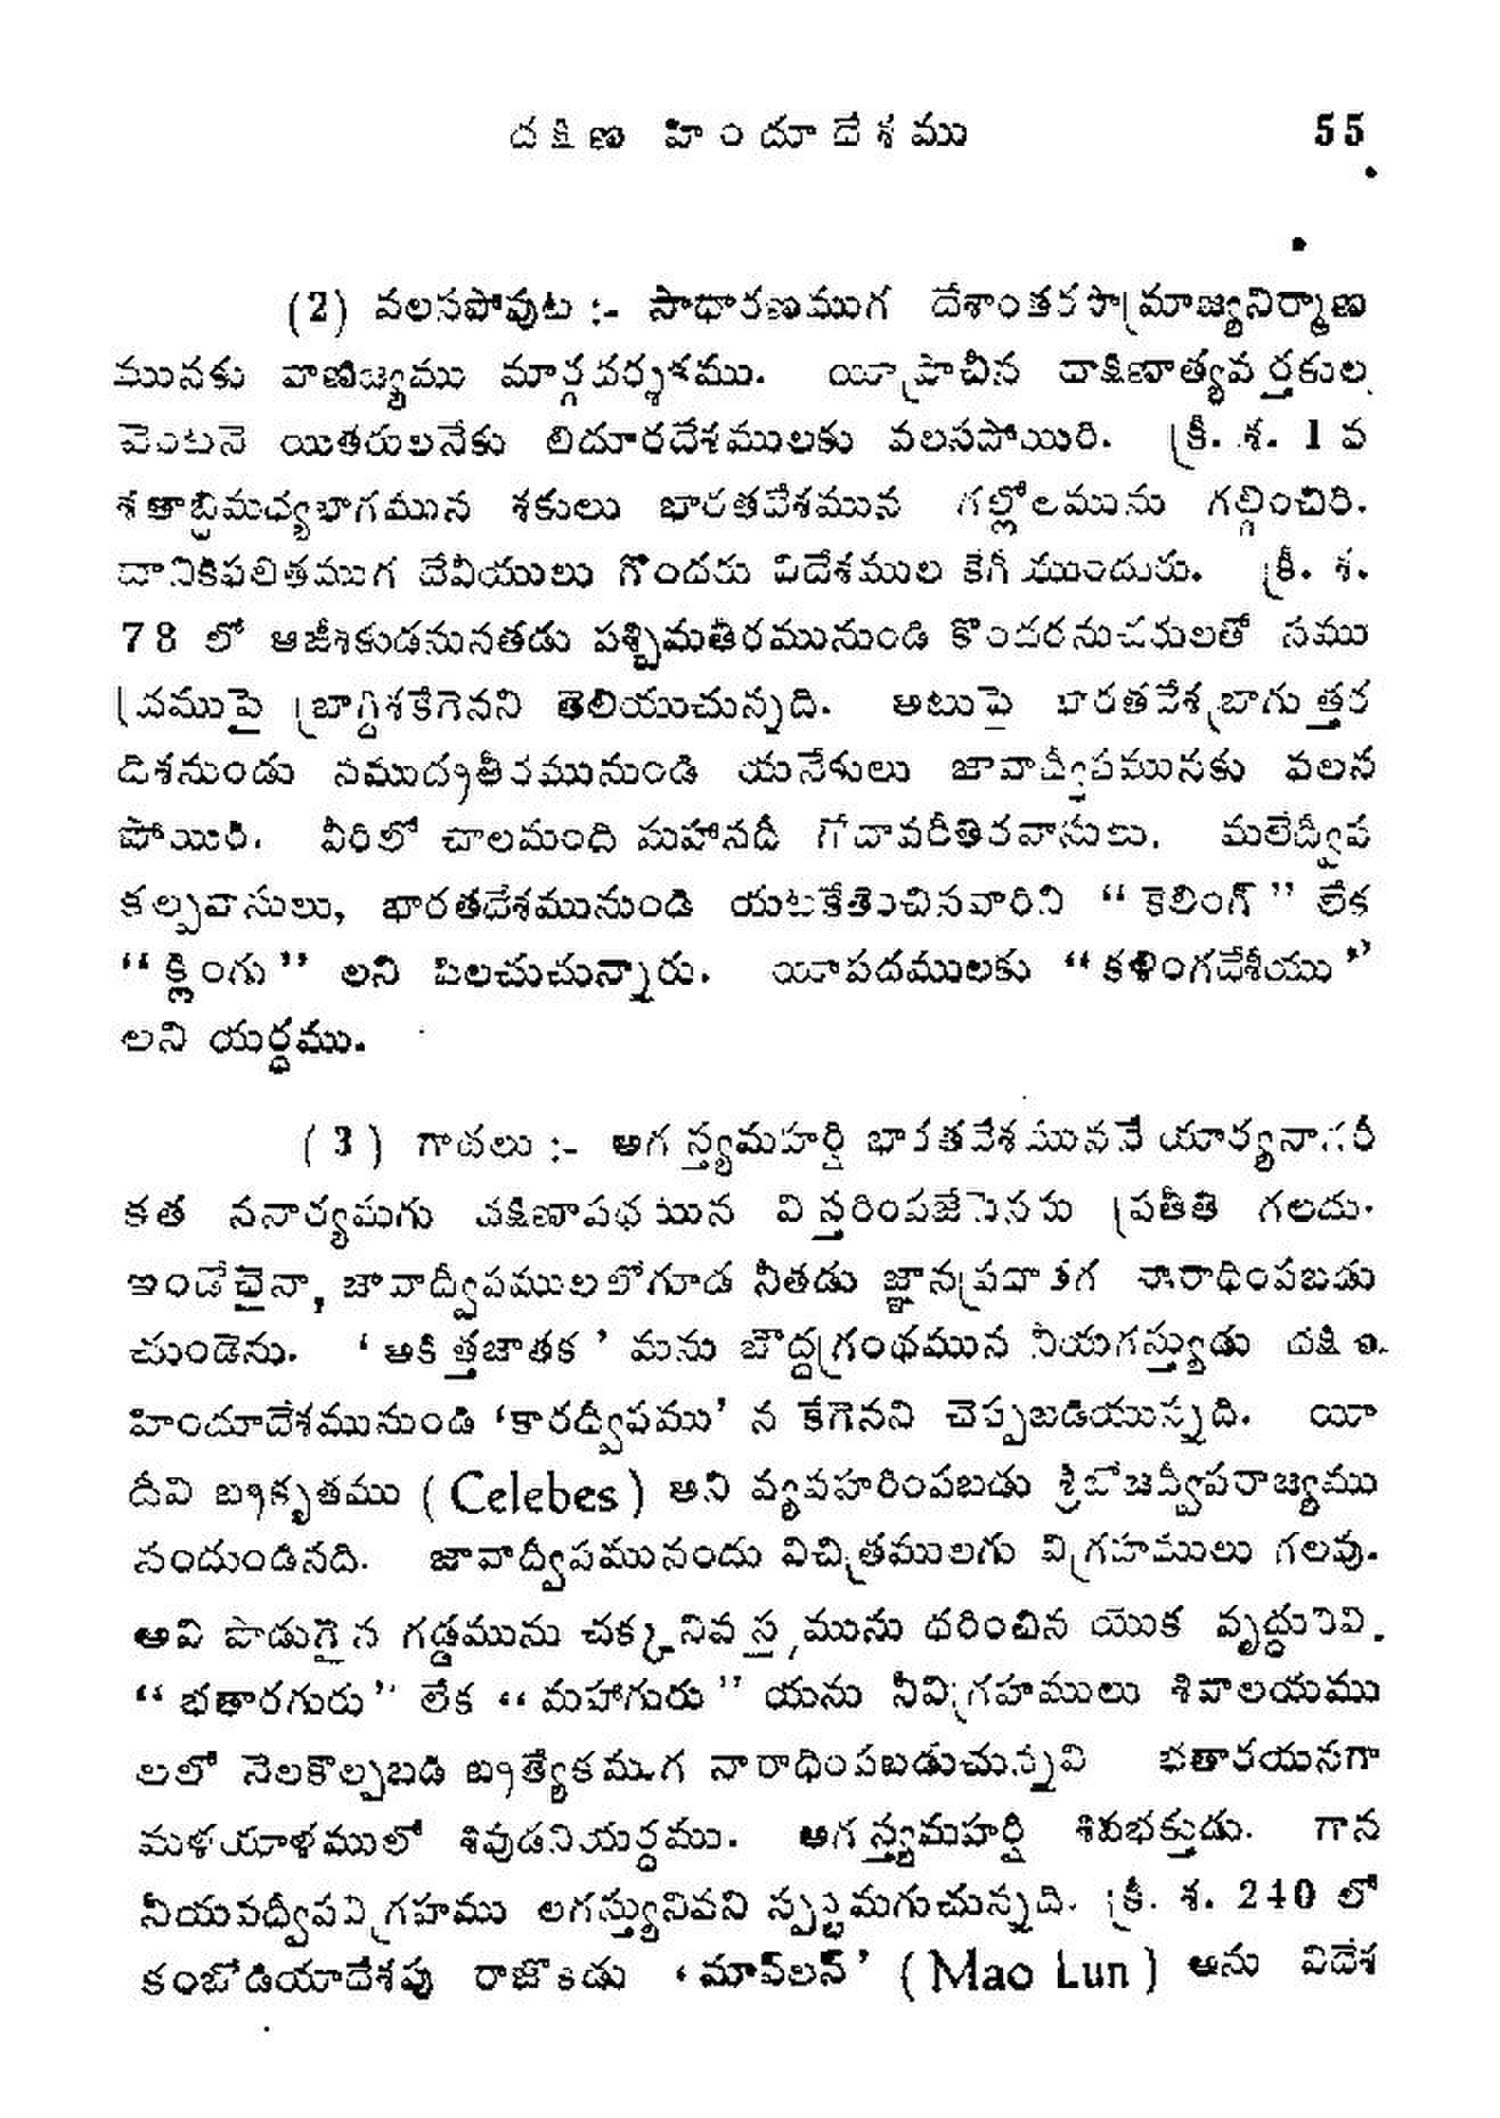(2) వలసపోవుట :- సాధారణముగ దేశాంతర సామ్రాజ్యనిర్మాణమునకు వాణిజ్యము మార్గదర్శకము. యీప్రాచీన దాక్షిణాత్యవర్తకుల వెంటనే యితరులనేకు లీదూరదేశములకు వలసపోయిరి. క్రీ. శ. 1 వ శతాబ్దిమధ్యభాగమున శకులు భారతదేశమున గల్లోలమును గల్గించిరి. దానికిఫలితముగ దేవియులు గొందరు విదేశముల కేగి యుందురు. క్రీ. శ. 78 లో అజీశకుడనునతడు పశ్చిమతీరమునుండి కొందరనుచరులతో సముద్రముపై బ్రాగ్దిశకేగెనని తెలియుచున్నది. అటుపై భారతదేశబ్రాగుత్తర దిశనుండు సముద్రతీరమునుండి యనేకులు జావాద్వీపమునకు వలస పోయిరి. వీరిలో చాలమంది మహానదీ గోదావరీతీరవాసులు, మలేద్వీప కల్పవాసులు, భారతదేశమునుండి యటకేతెంచినవారిని "కెలింగ్" లేక క్లింగు" లని పిలచుచున్నారు. యీపదములకు "కళింగదేశీయు" లని యర్థము.

(3) గాదలు :- అగస్త్యమహర్షి భారతదేశముననే యార్యనాగరీకత ననార్యమగు దక్షిణాపథమున విస్తరింపజేసెనను ప్రతీతి గలదు. ఇండోచైనా, జావాద్వీపములలోగూడ నీతడు జ్ఞానప్రదాతగా నారాధింపబడు చుండెను. 'అకిత్తజాతక' మను బౌద్దగ్రంథమున నీయగస్త్యుడు దక్షిణ హిందూదేశమునుండి 'కారద్వీపము' న కేగెనని చెప్పబడియున్నది. యీ దీవి బ్రకృతము (Celebes) అని వ్యవహరింపబడుశ్రీబోజద్వీపరాజ్యము నందుండినది. జావాద్వీపమునందు విచిత్రములగు విగ్రహములు గలవు. అవి పొడుగైన గడ్డమును చక్కనివస్త్రమును ధరించిన యొక వృద్దునివి. "భతారగురు" లేక "మహాగురు" యను నీవిగ్రహములు శివాలయములలో నెలకొల్పబడి బ్రత్యేకముగ నారాధింపబడుచున్నవి. భతారయనగా మళయాళములో శివుడనియర్థము. అగస్త్యమహర్షి శివభక్తుడు. గాన నీయనద్వీపవిగ్రహము లగస్త్యునివని స్పష్టమగుచున్నది. క్రీ. శ. 240 లో కంబోదియాదేశపు రాజొకడు 'మావ్‌లన్‌' (Mao Lun) అను విదేశ